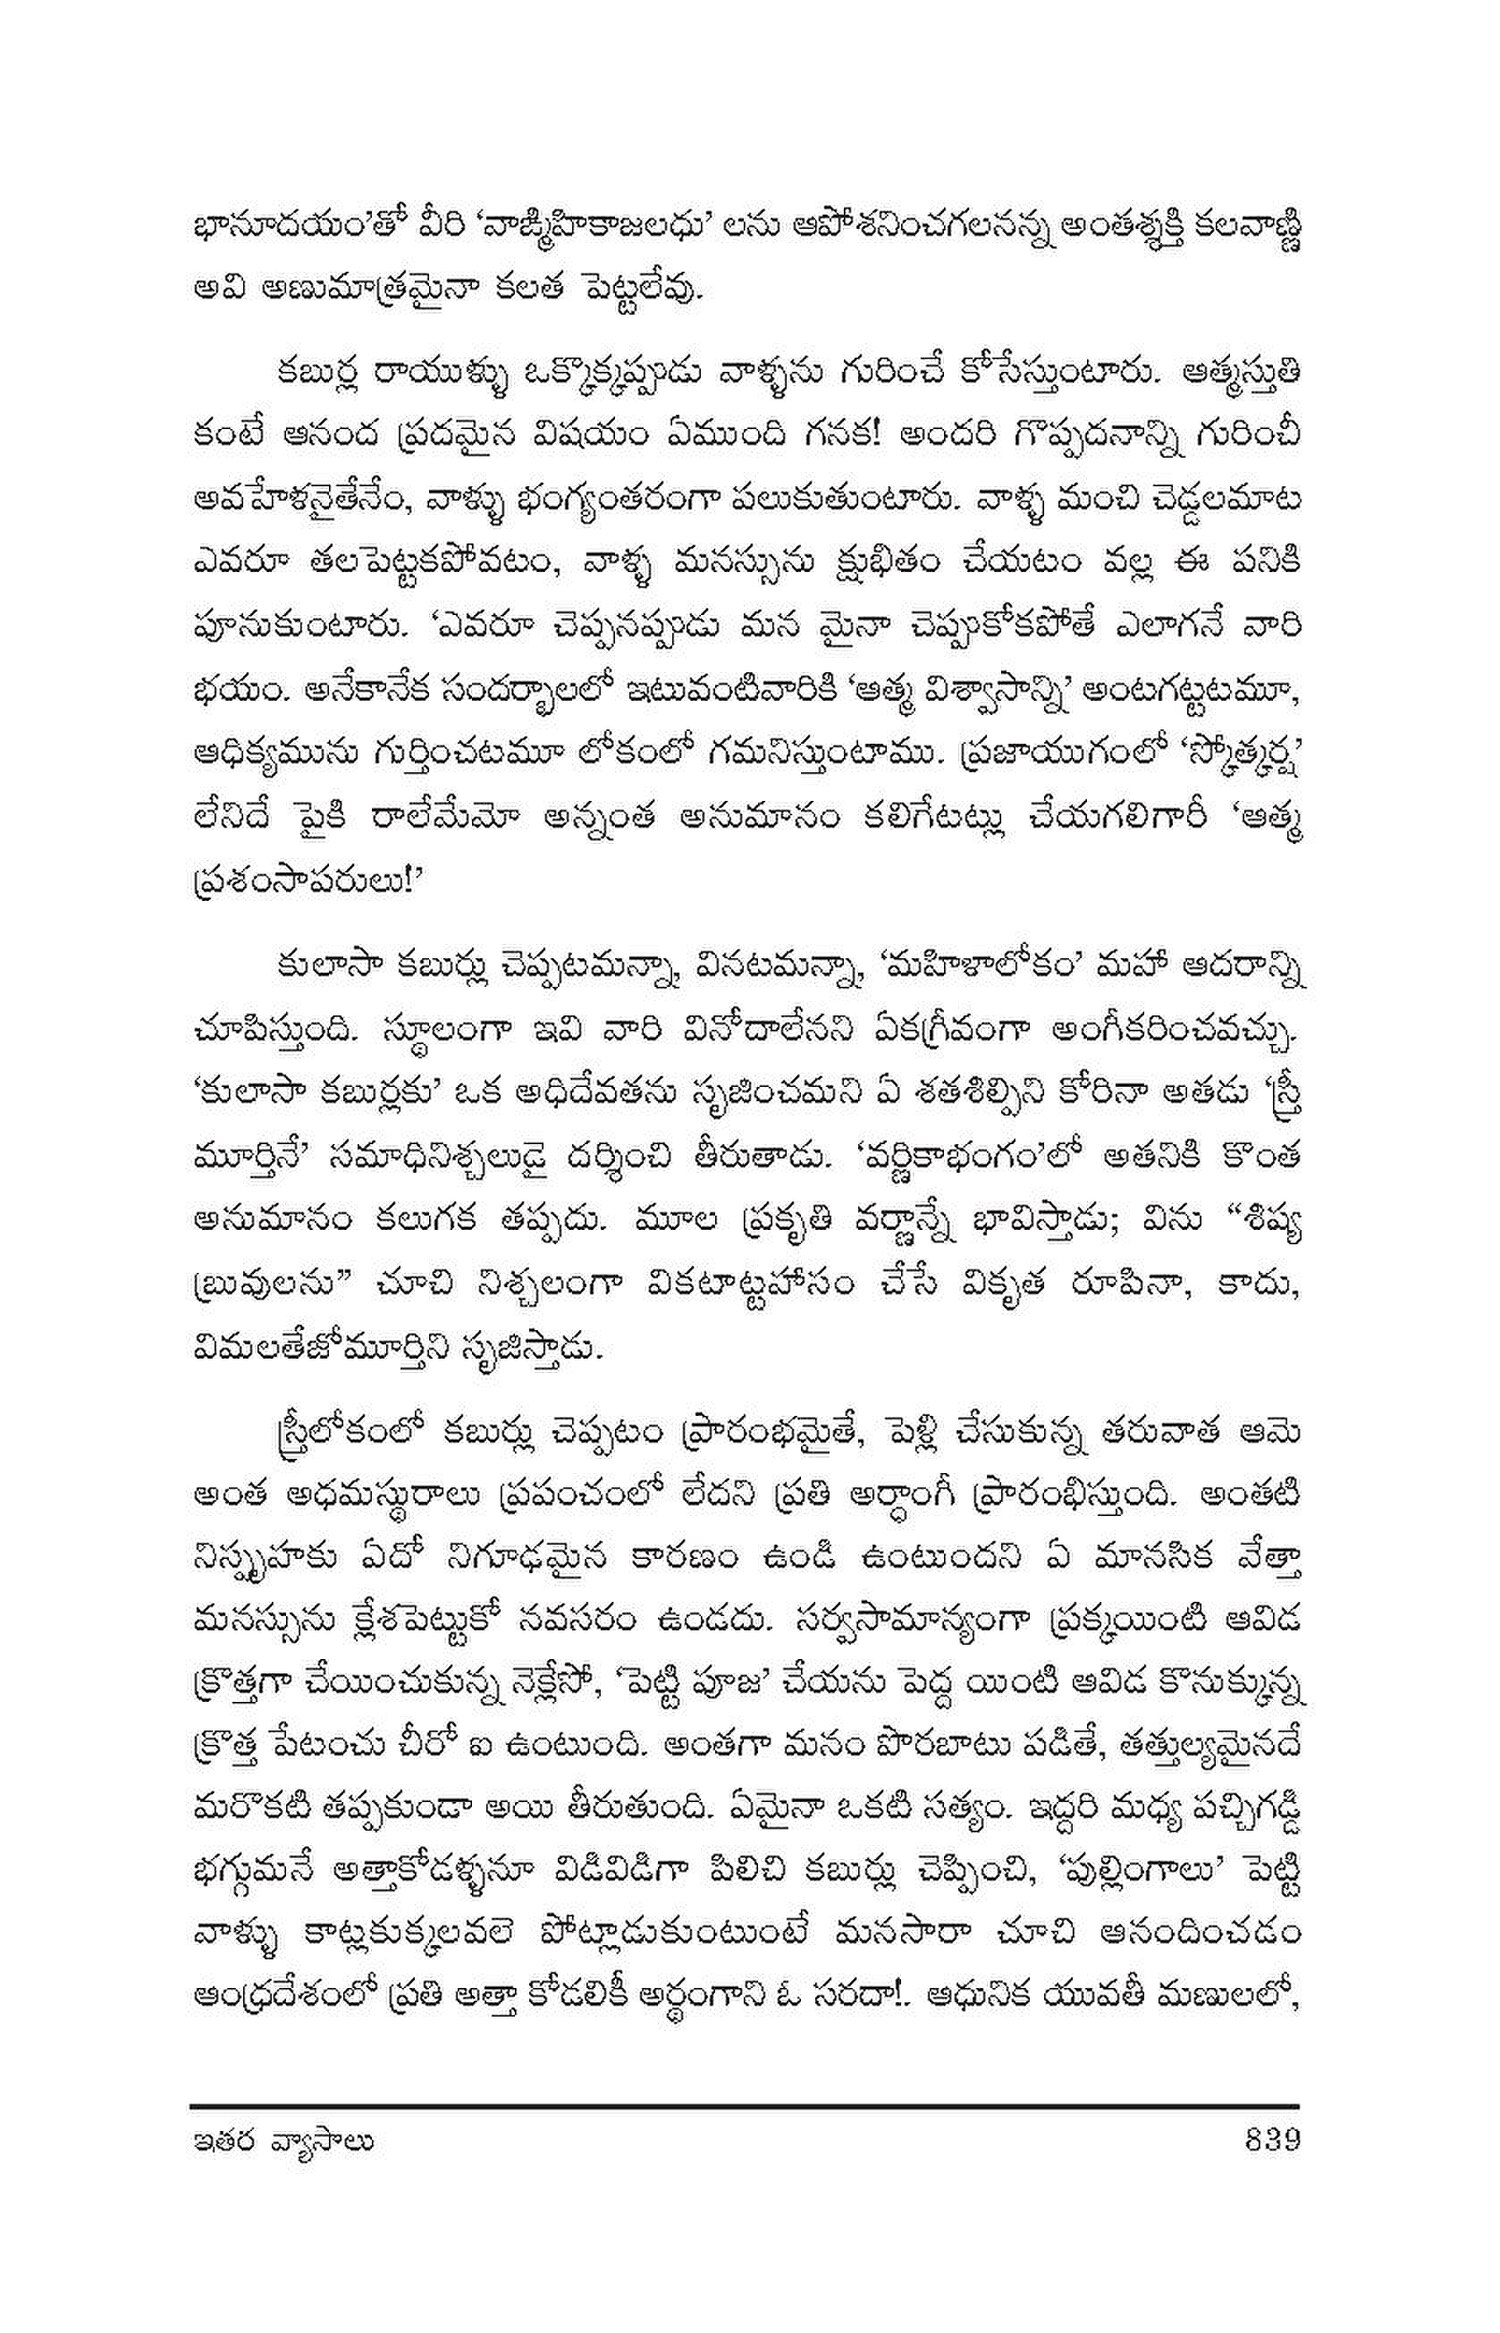భానూదయం'తో వీరి ‘వాఙ్మిహికాజలధు' లను ఆపోశనించగలనన్న అంతశ్శక్తి కలవాణ్ణి
అవి అణుమాత్రమైనా కలత పెట్టలేవు.

కబుర్ల రాయుళ్ళు ఒక్కొక్కప్పుడు వాళ్ళను గురించే కోసేస్తుంటారు. ఆత్మస్తుతి
కంటే ఆనంద ప్రదమైన విషయం ఏముంది గనక! అందరి గొప్పదనాన్ని గురించీ
అవహేళనైతేనేం, వాళ్ళు భంగ్యంతరంగా పలుకుతుంటారు. వాళ్ళ మంచి చెడ్డలమాట
ఎవరూ తల పెట్టకపోవటం, వాళ్ళ మనస్సును క్షుభితం చేయటం వల్ల ఈ పనికి
పూనుకుంటారు. 'ఎవరూ చెప్పనప్పుడు మన మైనా చెప్పుకోకపోతే ఎలాగనే వారి
భయం. అనేకానేక సందర్భాలలో ఇటువంటివారికి 'ఆత్మ విశ్వాసాన్ని' అంటగట్టటమూ,
ఆధిక్యమును గుర్తించటమూ లోకంలో గమనిస్తుంటాము. ప్రజాయుగంలో 'స్కోత్కర్ష’
లేనిదే పైకి రాలేమేమో అన్నంత అనుమానం కలిగేటట్లు చేయగలిగారీ 'ఆత్మ
ప్రశంసాపరులు!'

కులాసా కబుర్లు చెప్పటమన్నా, వినటమన్నా, 'మహిళాలోకం' మహా ఆదరాన్ని
చూపిస్తుంది. స్థూలంగా ఇవి వారి వినోదాలేనని ఏకగ్రీవంగా అంగీకరించవచ్చు.
‘కులాసా కబుర్లకు’ ఒక అధిదేవతను సృజించమని ఏ శతశిల్పిని కోరినా అతడు 'స్త్రీ
మూర్తినే' సమాధినిశ్చలుడై దర్శించి తీరుతాడు. 'వర్ణికాభంగం'లో అతనికి కొంత
అనుమానం కలుగక తప్పదు. మూల ప్రకృతి వర్ణాన్నే భావిస్తాడు; విను "శిష్య
బ్రువులను" చూచి నిశ్చలంగా వికటాట్టహాసం చేసే వికృత రూపినా, కాదు,
విమలతేజోమూర్తిని సృజిస్తాడు.

స్త్రీలోకంలో కబుర్లు చెప్పటం ప్రారంభమైతే, పెళ్లి చేసుకున్న తరువాత ఆమె
అంత అధమస్థురాలు ప్రపంచంలో లేదని ప్రతి అర్ధాంగీ ప్రారంభిస్తుంది. అంతటి
నిస్పృహకు ఏదో నిగూఢమైన కారణం ఉండి ఉంటుందని ఏ మానసిక వేత్తా
మనస్సును క్లేశపెట్టుకో నవసరం ఉండదు. సర్వసామాన్యంగా ప్రక్కయింటి ఆవిడ
క్రొత్తగా చేయించుకున్న నెక్లేసో, 'పెట్టి పూజ' చేయను పెద్ద యింటి ఆవిడ కొనుక్కున్న
క్రొత్త పేటంచు చీరో ఐ ఉంటుంది. అంతగా మనం పొరబాటు పడితే, తత్తుల్యమైనదే
మరొకటి తప్పకుండా అయి తీరుతుంది. ఏమైనా ఒకటి సత్యం. ఇద్దరి మధ్య పచ్చిగడ్డి
భగ్గుమనే అత్తాకోడళ్ళనూ విడివిడిగా పిలిచి కబుర్లు చెప్పించి, 'పుల్లింగాలు' పెట్టి
వాళ్ళు కాట్లకుక్కలవలె పోట్లాడుకుంటుంటే మనసారా చూచి ఆనందించడం
ఆంధ్రదేశంలో ప్రతి అత్తా కోడలికీ అర్థంగాని ఓ సరదా!. ఆధునిక యువతీ మణులలో,